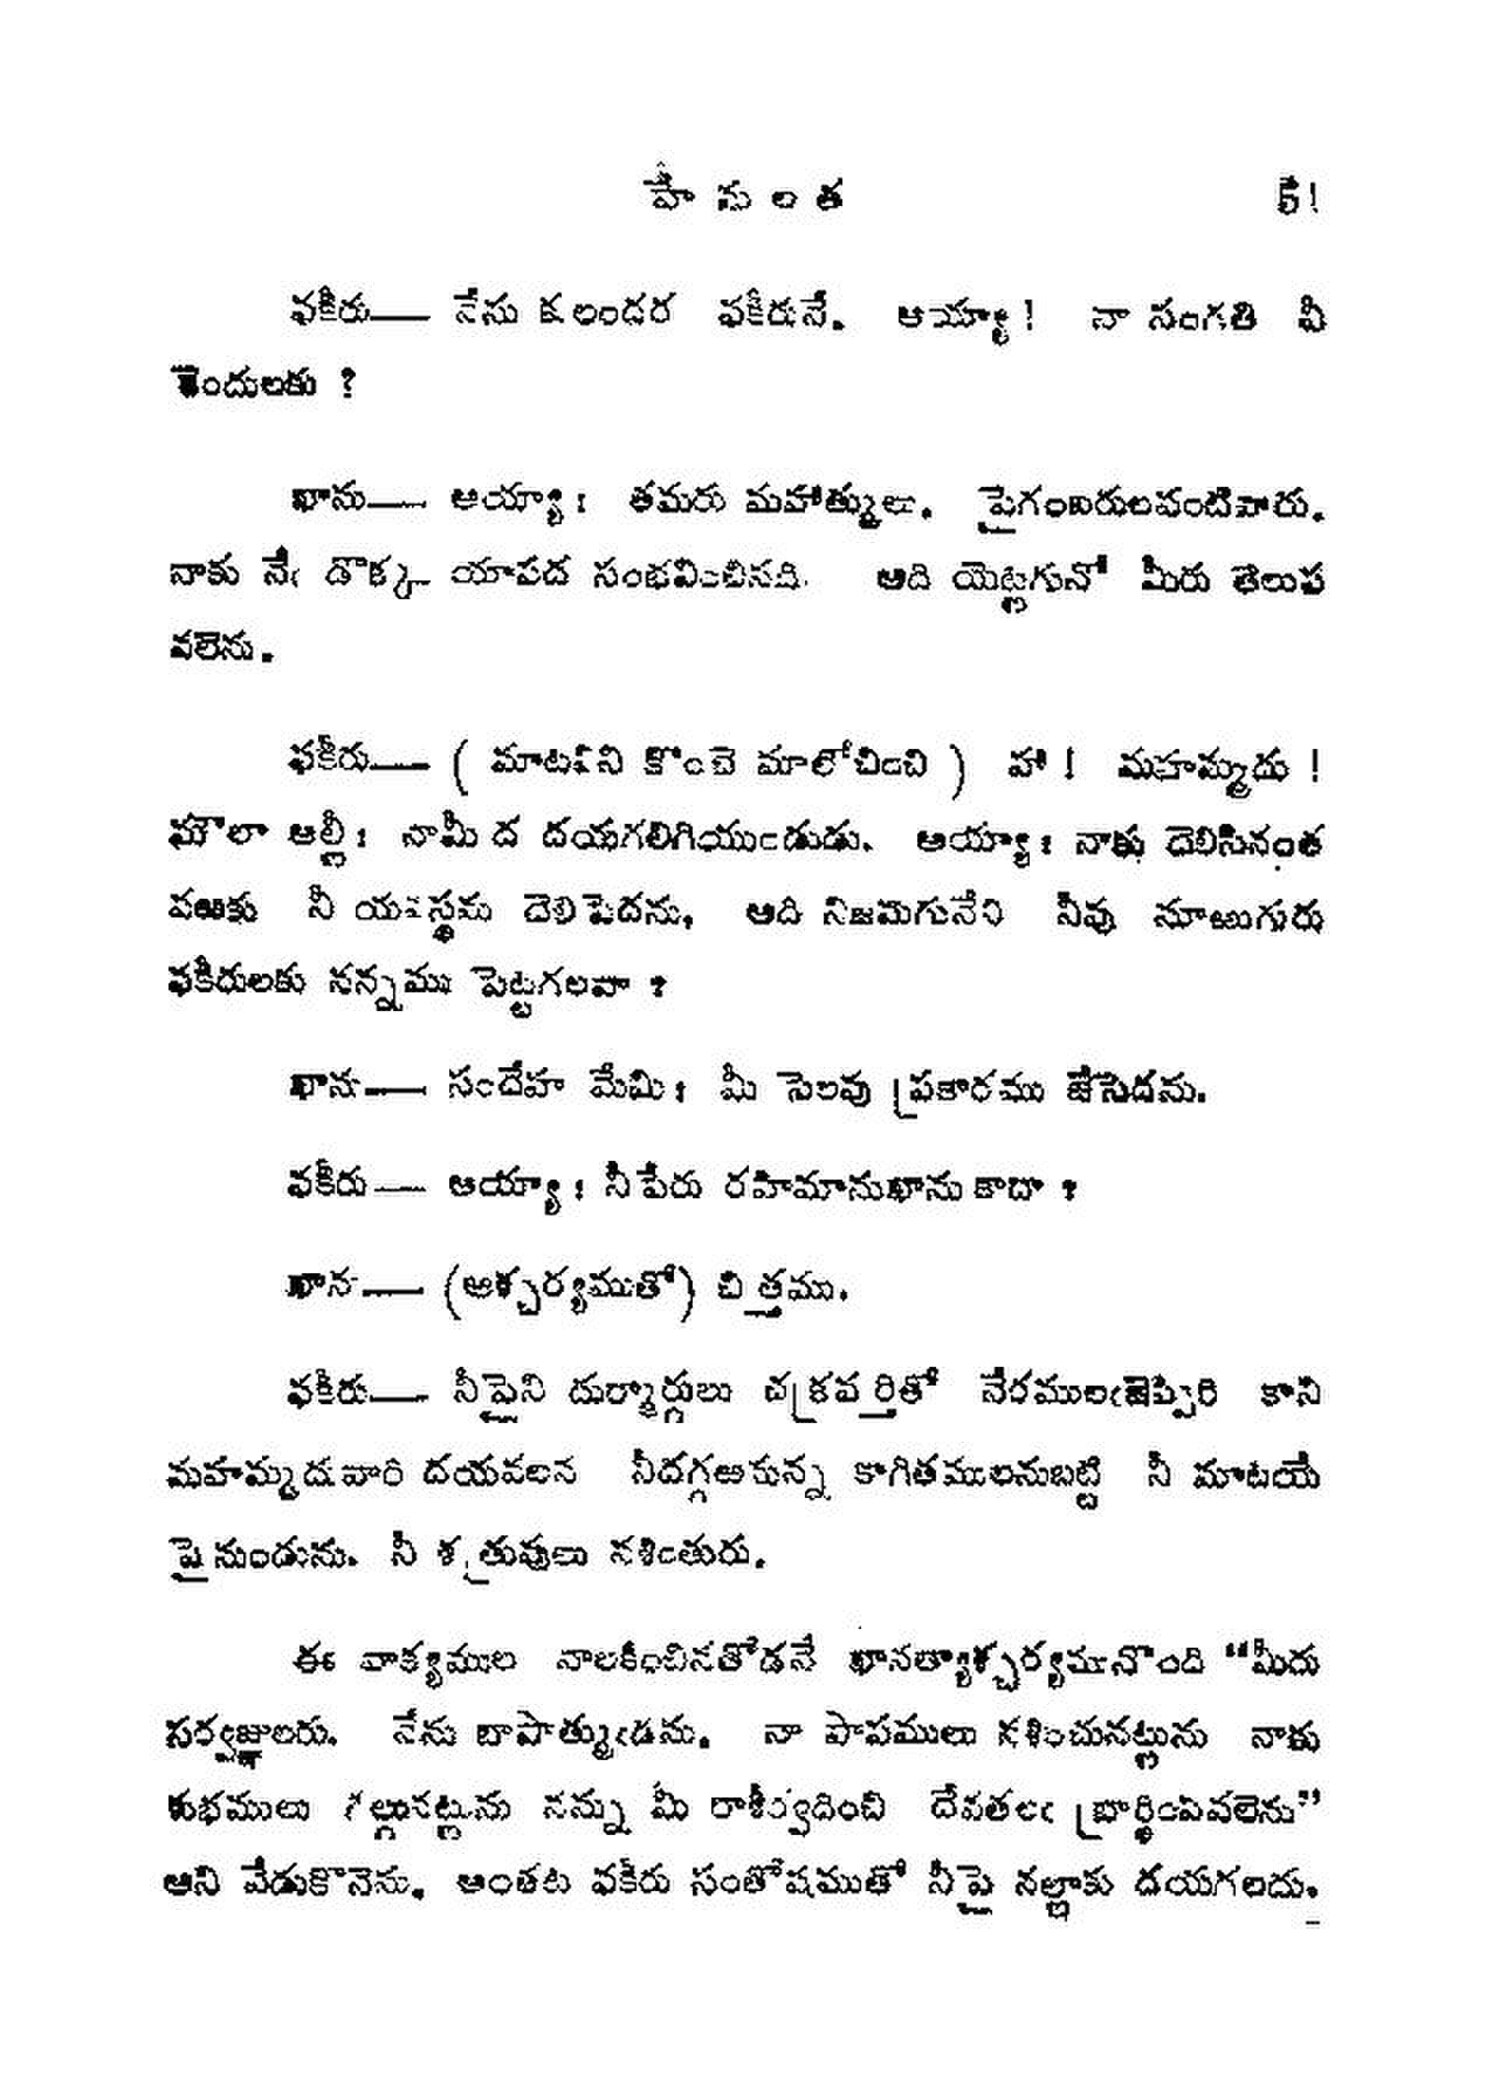ఫకీరు – నేను కులందర ఫకీరునే. అయ్యా! నా సంగతి నీకెందులకు?

ఖాను – అయ్యా! తమరు మహాత్ములు, పైగంబరులవంటివారు. నాకు నేఁ డొక్క యాపద సంభవించినది. అది యెట్లగునో మీరు తెలుప వలెను.

ఫకీరు – (మాటవిని కొంచె మాలోచించి) హా! మహమ్మదు! మౌలా అల్లీ! నామీద దయగలిగియుండుడు. అయ్యా! నాడు దెలిసినంత వలకు నీ యవస్థను దెలిపెదను. అది నిజమగునేని నీవు నూఱగురు ఫకీరులకు నన్నము పెట్టగలవా?

ఖాను – సందేహమేమి? మీ సెలవు ప్రకారము జేసెదను.

ఫకీరు – అయ్యా! నీ పేరు రహిమానుఖాను కాదా?

ఖాను - (ఆశ్చర్యముతో) చిత్తము.

ఫకీరు – నీపైని దుర్మార్గులు చక్రవర్తితో నేరములఁజెప్పిరి కాని మహమ్మదు వారి దయవలన నీదగ్గఱనున్న కాగితములనుబట్టి నీ మాటయే పై నుండును. నీ శత్రువులు నశింతురు.

ఈ వాక్యముల నాలకించినతోడనే ఖానత్యాశ్చర్యము నొంది “మీరు సర్వజ్ఞులు. నేను బాపాత్ముఁడను. నా పాపములు నశించునట్లును నాకు శుభములు గల్గునట్లును నన్ను మీ రాశీర్వదింది. దేవతలఁ బ్రార్థింపవలెను” అని వేడుకొనెను. అంతట ఫకీరు సంతోషముతో నీపై నల్లాకు దయగలదు.